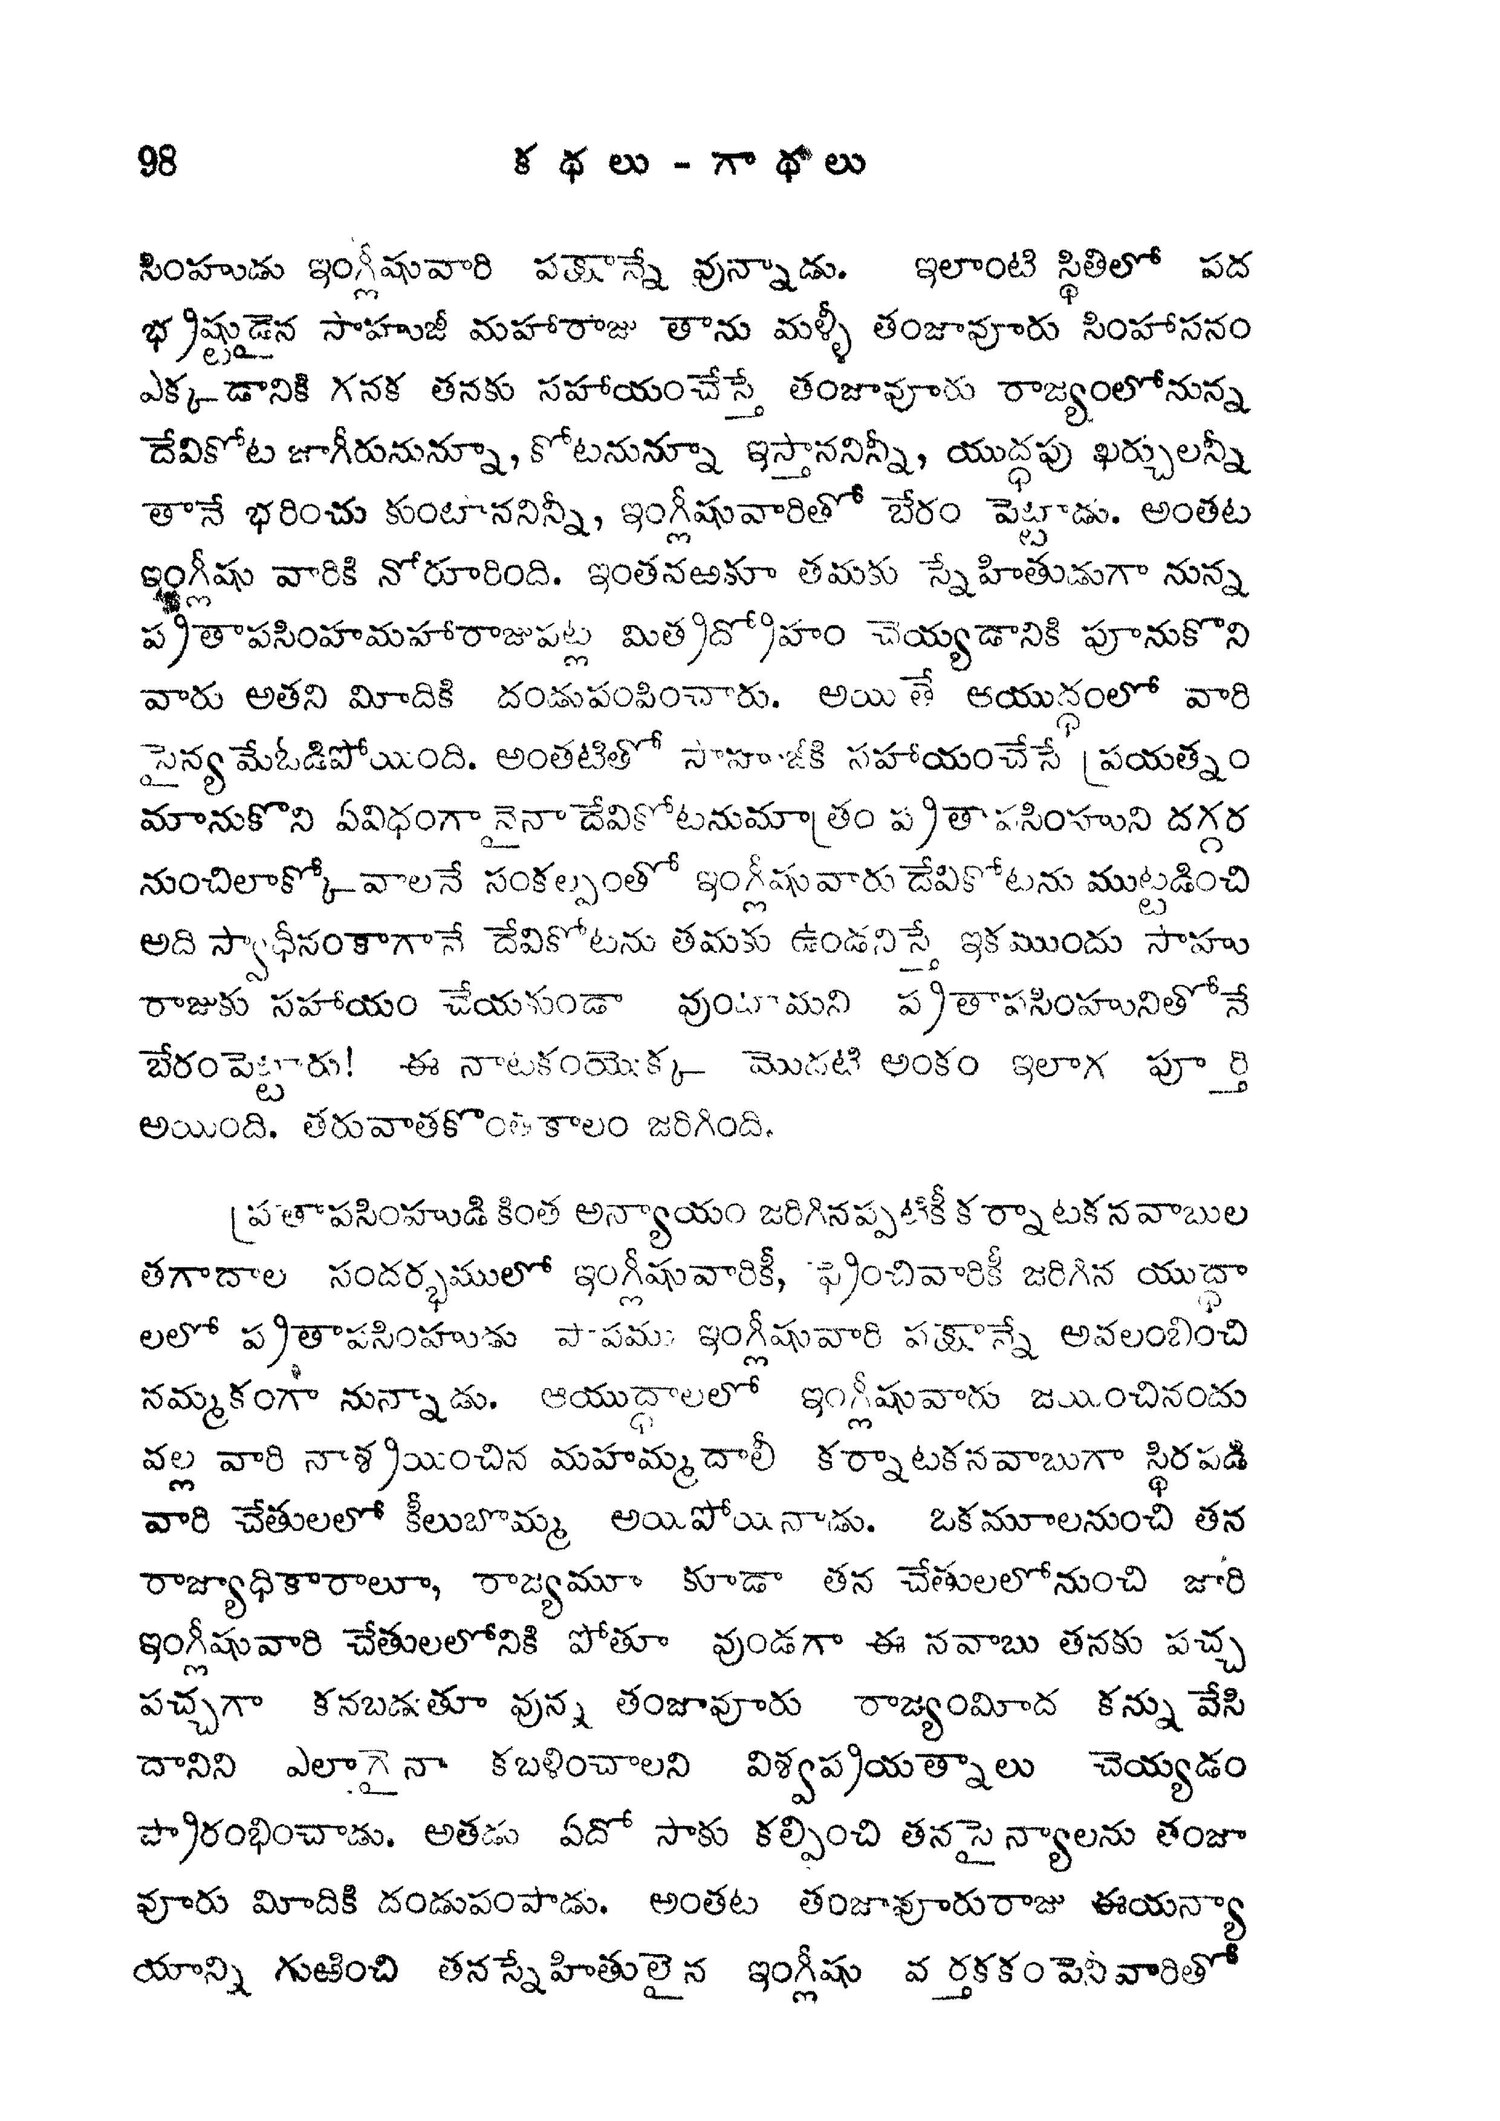సింహుడు ఇంగ్లీషువారి పక్షాన్నే వున్నాడు. ఇలాంటి స్థితిలో పదభ్రష్టుడైన సాహూజీ మహారాజు తాను మళ్ళీ తంజావూరు సింహాసనం ఎక్కడానికి గనక తనకు సహాయముచేస్తే తంజావూరు రాజ్యంలోనున్న దేవికోటజాగీరునున్నూ, కోటనున్నూ ఇస్తాననిన్నీ, యుద్ధపు ఖర్చులన్నీ తానే భరించు కుంటాననిన్నీ, ఇంగ్లీషువారితో బేరం పెట్టాడు. అంతట ఇంగ్లీషువారికి నోరూరింది. ఇంతవఱకూ తమకు స్నేహితుడుగా నున్న ప్రతాపనరసింహరాజుపట్ల మిత్రద్రోహం చెయ్యడానికి పూనుకొనినారు. అతని మీదికి దండు పంపించారు. అయితే ఆ యుద్ధంలో వారి సైన్యమేఓడిపోయింది. అంతటితో నానాజీకి సహాయంచేసే ప్రయత్నం మానుకొని ఏవిధంగానైనా దేవికోటనుమాత్రంప్రతాపనసింహుని దగ్గర నుంచి లాక్కోవాలనె సంకల్పంతో ఇంగ్లీషువారు దేవికోటను ముట్టడించి అది స్వాధీనంకాగానే దేవికోటను తమకు ఉండనిస్తే ఇకముందు సాహురాజుకు సహాయం చేయకుండా వుంటామని ప్రతాపనసింహునితోనే బేరంపెట్టారు! ఈ వాలకంయెక్క మొదటి అంశం ఇలాగ పూర్తి అయింది. తరువాతకొంతకాలం జరిగింది.

ప్రతాపసింహుడికింత అన్యాయము జరిగినప్పటికీ కర్నాటకనవాబు తగాదాల సందర్భంలో ఇంగ్లీషువారికీ, ఫ్రెంచివారికీ జరిగిన యుద్ధాలలో ప్రతాపసింహుడు పాపము ఇంగ్లీషువారి పక్షాన్నే అవలంబించి నమ్మకంగా నున్నాడు. ఆయుద్ధాలలో ఇంగ్లీషువారు జయించినందువల్ల వారి నాశ్రయించిన మహమ్మదాలీ కర్నాటకకనవాబుగా స్థిరపడి వారి చేతులలో కీలుబొమ్మ అయిపోయినాడు. ఒక మూలనుంచి తన రాజ్యాధికారాలూ, రాజ్యమూ కూడా తన చేతులలోనుంచి జారి ఇంగ్లీషువారి చేతులలోకి పోతూ వుండగా ఈ నవాబు తనకు పచ్చపచ్చగా కనబడుతూ వున్న తంజావూరు రాజ్యముమీద కన్నువేసి దానిని ఎలాగైనా కబళించాలని విశ్వప్రయత్నాలు చెయ్యడం ప్రారంభించాడు. అతడు ఏదో సాకు కల్పించి తనసైన్యాలను తంజావూరు మీదికి దండుపంపాడు. అంతట తంజావూరురాజు ఈయన్యాయాన్ని గుఱించి తనస్నేహితులైన ఇంగ్లీషు వర్తకకంపెనీవారితో